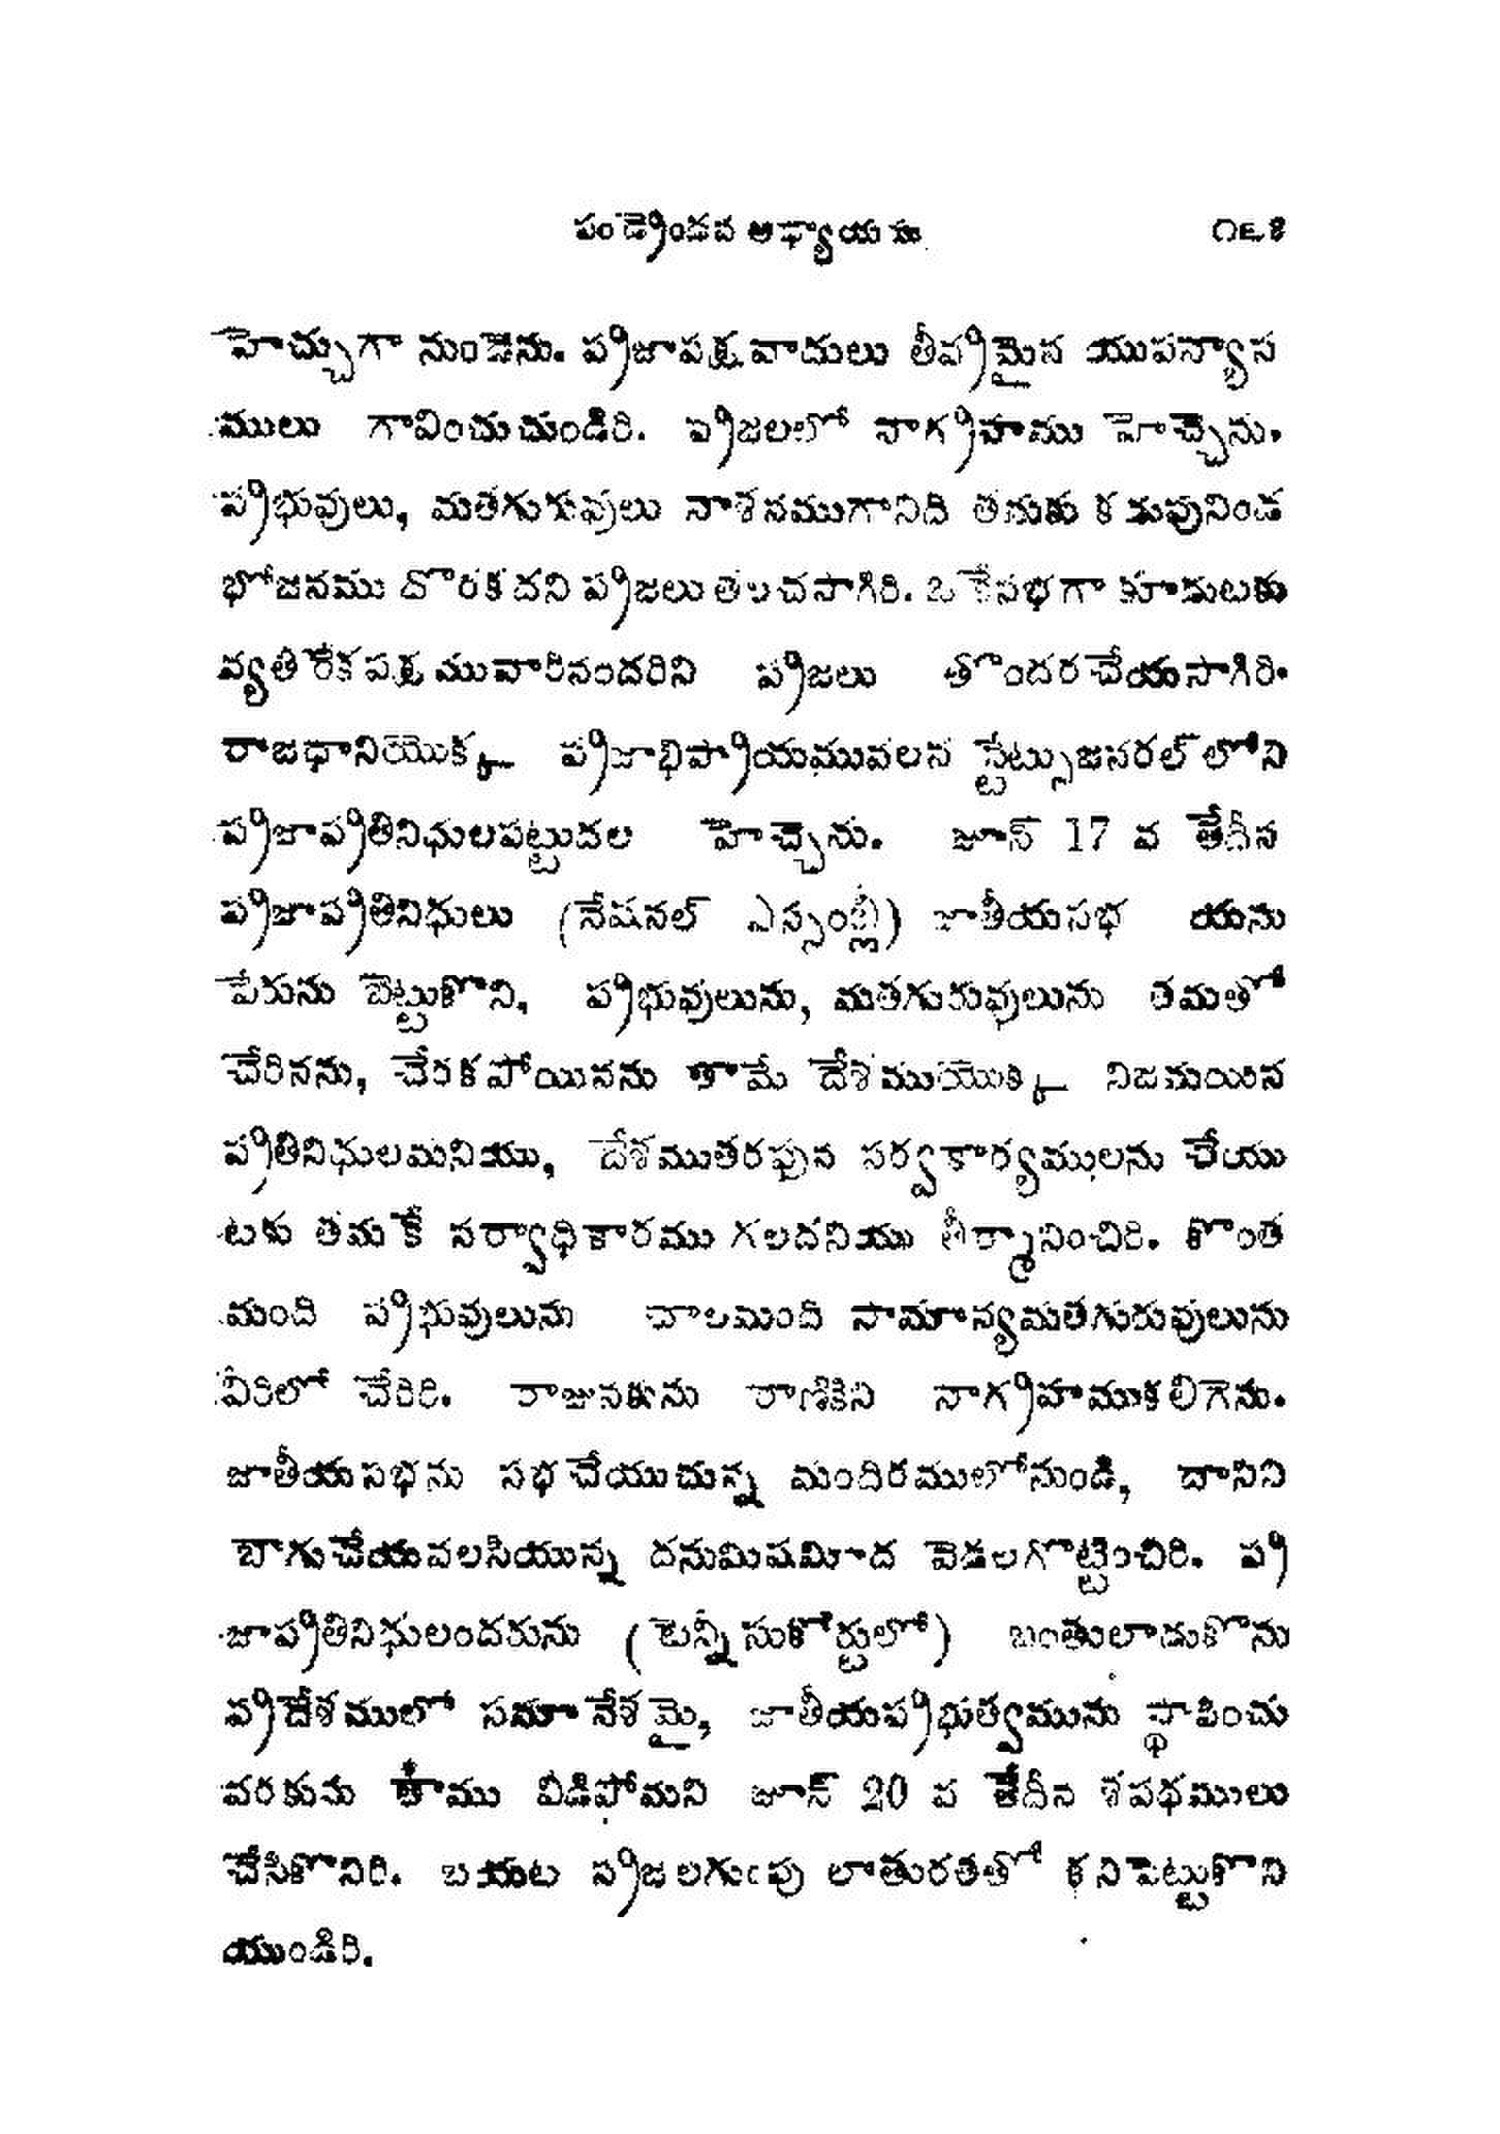హెచ్చుగా నుండెను. ప్రజాపక్షవాదులు తీవ్రమైన యుపన్యాస
ములు గావించుచుండిరి. ప్రజలలో నాగ్రహము హెచ్చెను.
ప్రభువులు, మతగురువులు నాశనముగానిది తగుకు కడుపునిండ
భోజనము దొరకదని ప్రజలు తలంచసాగిరి. ఒకే సభ గా కూడుటకు
వ్యతిరేక పక్ష మువారినందరిని ప్రజలు తొందరచేయసాగిరి.
రాజధానియొక్క, ప్రజాభిప్రాయమువలన స్టేట్సుజనరల్ లోని
ప్రజాప్రతినిధుల పట్టుదల హెచ్చెను. జూస్ 17 వ తేదీన
ప్రజాప్రతినిధులు (నేషనల్ ఎస్సంబ్లీ) జాతీయసభ యను
పేరును 'బెట్టుకొని, ప్రభువులును, మతగురువులును తమతో
చేరినను, చేరకపోయినను తామే దేశము యొక్క నిజమయిన
ప్రతినిధులమనియు, దేశము తరఫున సర్వకార్యములను
చేయుటకు తమకే సర్వాధికారము గలదనియు శ్రీర్మానించిరి. కొంత
మంది ప్రభువులును చాలమంది సామాన్యమత గురువులును
వీరిలో చేరిరి. రాజునకును రాణికిని నాగ్రహము కలిగెను.
జూతీయ సభను సభ చేయుచున్న మందిరములోనుండి, దానిని
బాగుచేయవలసియున్న దసుమీషమీద వెడలగొట్టించిరి. ప్ర
జాప్రతినిధులందరును (టెన్నీసుకోర్టులో) బంతులాడుకొను
ప్రదేశములో సమా వేశమై, జాతీయ ప్రభుత్వమును స్థాపించు
వరకును తాము వీడిపోమని జూన్ 20 ప తేదీన శపథములు
చేసికొనిరి. బయట ప్రజలగుంపు లాతురతతో కని పెట్టుకొని
యుండిరి.